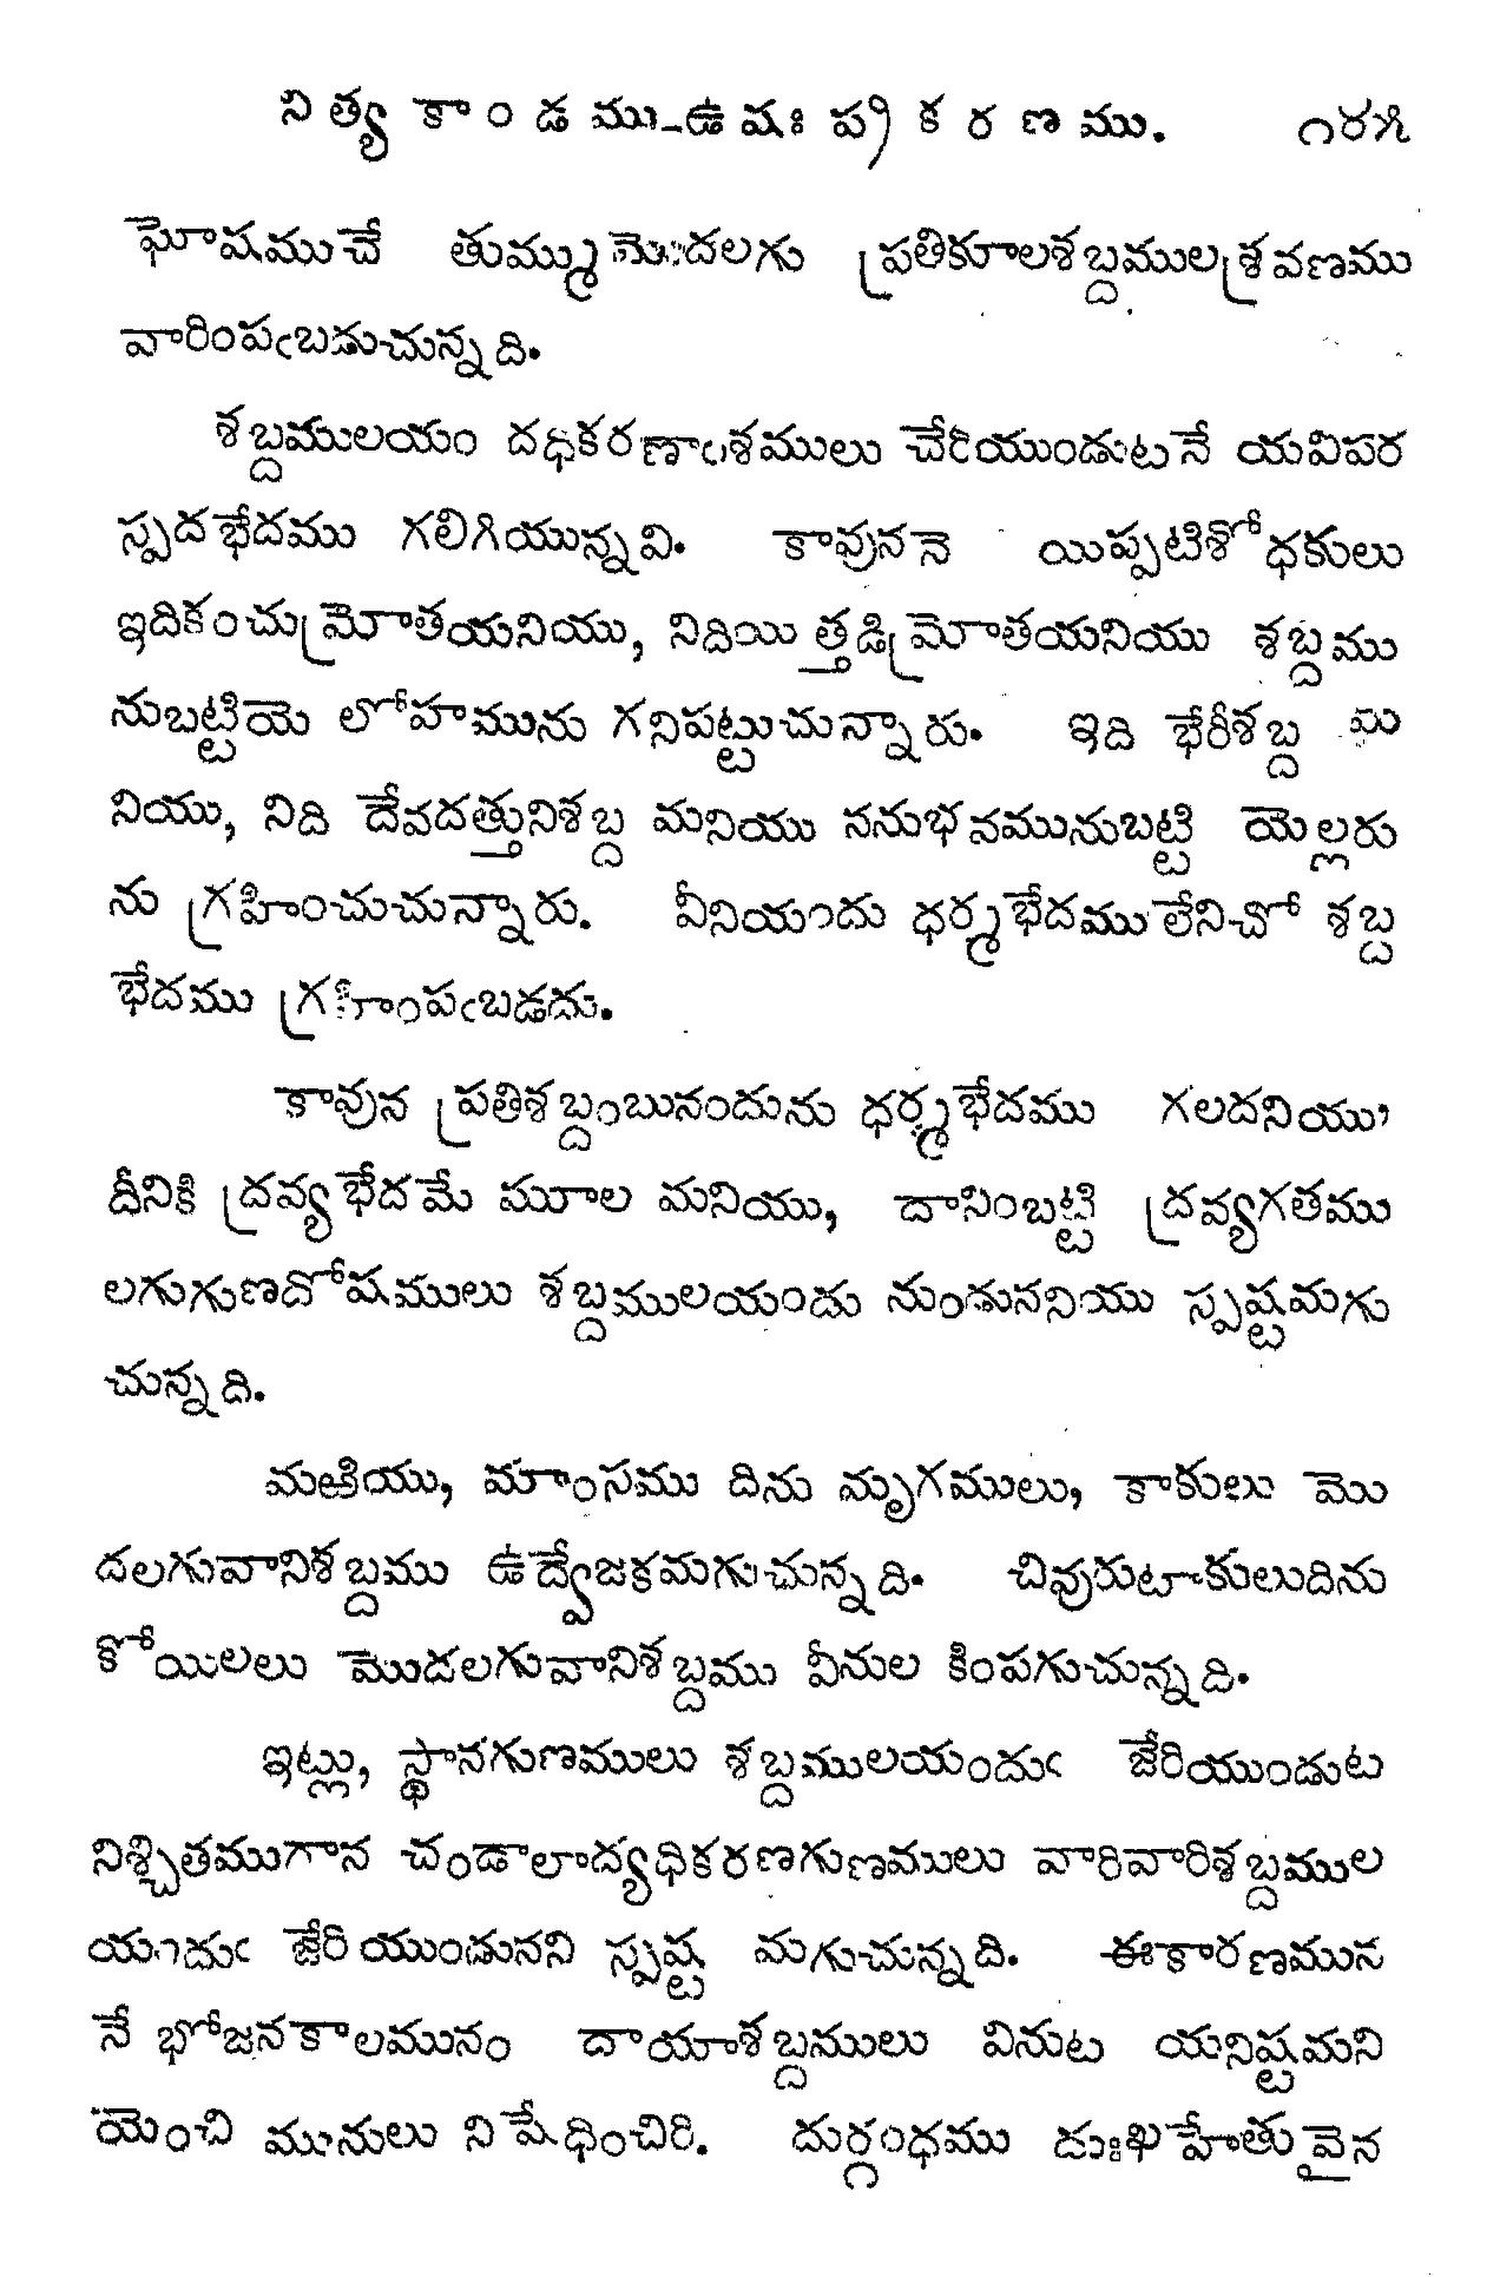ఘోషముచే తుమ్ము మొదలగు ప్రతికూలశబ్దములశ్రవణము వారింపఁబడుచున్నది.

శబ్దములయం దధికరణాంశములు చేరియుండుటనే యవిపరస్పదభేదము గలిగియున్నవి. కావుననె యిప్పటిశోధకులు ఇదికంచుమ్రోతయనియు, నిదియిత్తడిమ్రోతయనియు శబ్దమునుబట్టియె లోహమును గనిపట్టుచున్నారు. ఇది భేరీశబ్ద మనియు, నిది దేవదత్తునిశబ్ద మనియు ననుభవమునుబట్టి యెల్లరును గ్రహించుచున్నారు. వీనియందు ధర్మభేదములేనిచో శబ్దభేదము గ్రహింపఁబడదు.

కావున ప్రతిశబ్దంబునందును ధర్మభేదము గలదనియు దీనికి ద్రవ్యభేదమే మూల మనియు, దానింబట్టి ద్రవ్యగతములగుగుణదోషములు శబ్దములయందు నుండుననియు స్పష్టమగు చున్నది.

మఱియు, మాంసము దిను మృగములు, కాకులు మొదలగువానిశబ్దము ఉద్వేజకమగుచున్నది. చివురుటాకులుదిను కోయిలలు మొదలగువానిశబ్దము వీనుల కింపగుచున్నది.

ఇట్లు, స్థానగుణములు శబ్దములయందుఁ జేరియుండుట నిశ్చితముగాన చండాలాద్యధికరణగుణములు వారివారిశబ్దముల యందుఁ జేరి యుండునని స్పష్ట మగుచున్నది. ఈకారణముననే భోజనకాలమునం దాయాశబ్దములు వినుట యనిష్టమని యెంచి మునులు నిషేధించిరి. దుర్గంధము దుఃఖహేతువైన